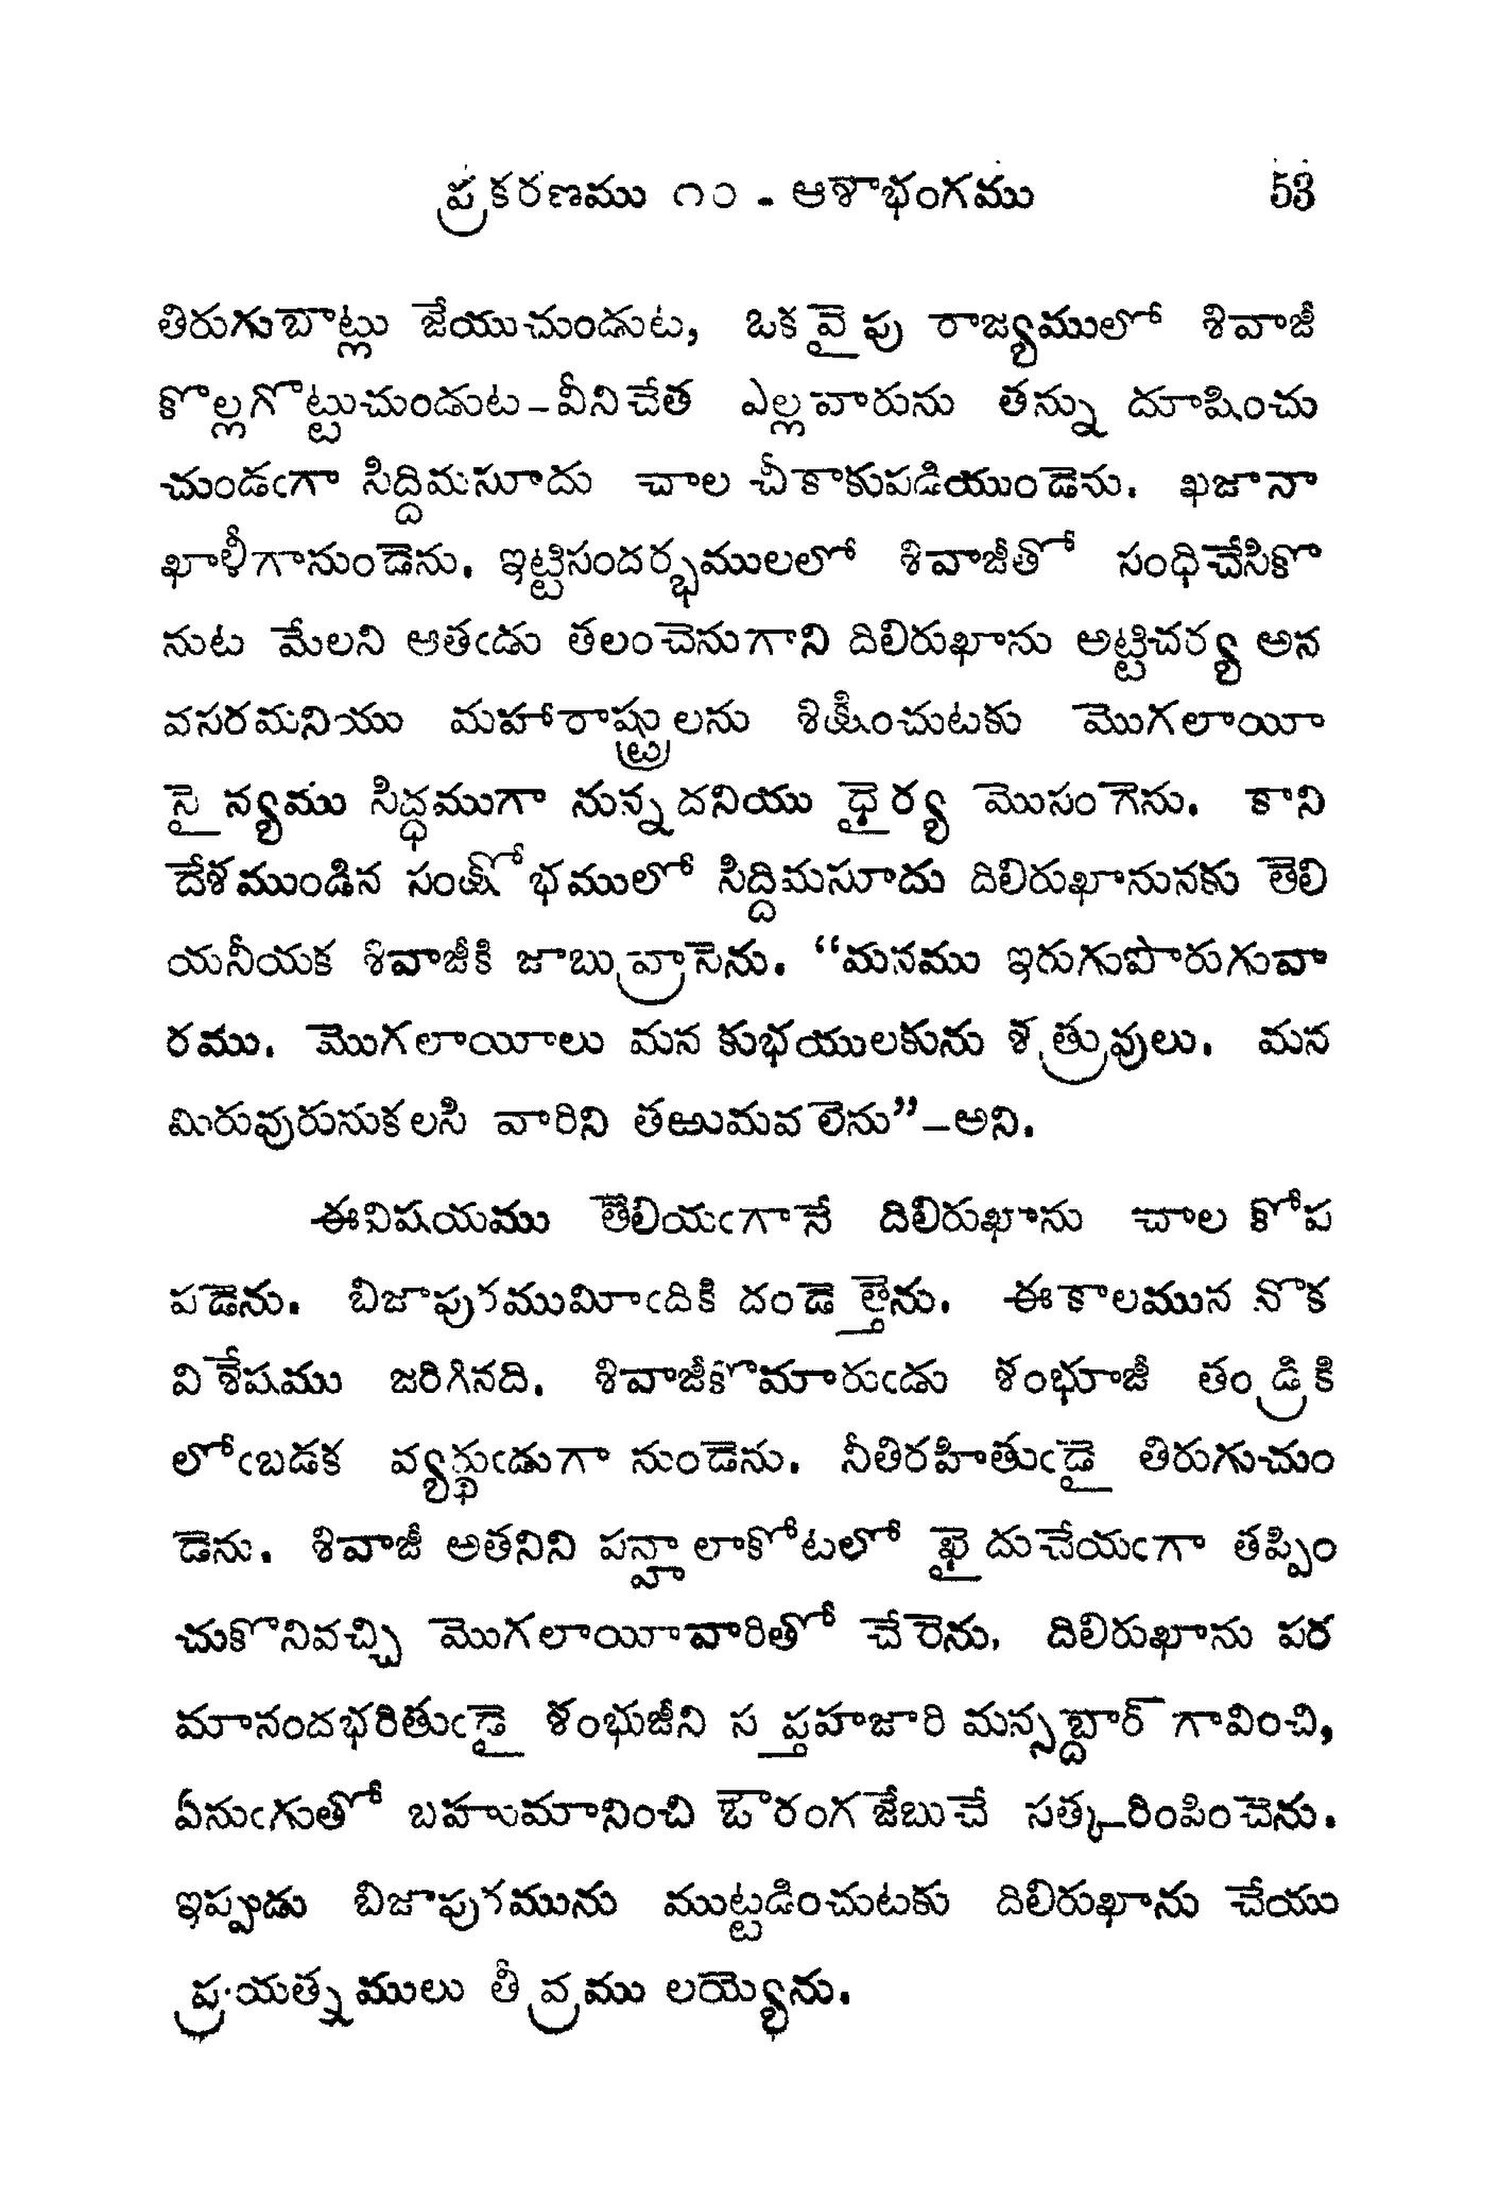తిరుగుబాట్లు జేయుచుండుట, ఒకవైపు రాజ్యములో శివాజీ కొల్లగొట్టుచుండుట-వీనిచేత ఎల్లవారును తన్ను దూషించు చుండఁగా సిద్దిమసూదు చాల చీకాకుపడియుండెను. ఖజానా ఖాళీగానుండెను. ఇట్టిసందర్భములలో శివాజీతో సంధిచేసికొనుట మేలని ఆతఁడు తలంచెనుగాని దిలిరుఖాను అట్టిచర్య అనవసరమనియు మహారాష్ట్రులను శిక్షించుటకు మొగలాయీ సైన్యము సిద్ధముగా నున్నదనియు ధైర్య మొసంగెను. కాని దేశముండిన సంక్షోభములో సిద్దిమసూదు దిలిరుఖానునకు తెలియనీయక శివాజీకి జాబువ్రాసెను. “మనము ఇరుగుపొరుగువారము, మొగలాయీలు మన కుభయులకును శత్రువులు. మనమిరువురునుకలసి వారిని తఱుమవలెను” - అని.

ఈవిషయము తెలియఁగానే దిలిరుఖాను చాల కోపపడెను. బిజాపురముమీఁదికి దండెత్తెను. ఈకాలమున నొక విశేషము జరిగినది. శివాజీకొమారుఁడు శంభూజీ తండ్రికి లోఁబడక వ్యర్థుఁడుగా నుండెను. నీతిరహితుఁడై తిరుగుచుండెను. శివాజీ అతనిని పన్హాలాకోటలో ఖైదుచేయఁగా తప్పించుకొనివచ్చి మొగలాయీవారితో చేరెను. దిలిరుఖాను పరమానందభరితుఁడై శంభుజీని సప్తహజారి మన్సబ్దార్ గావించి, ఏనుఁగుతో బహుమానించి ఔరంగజేబుచే సత్కరింపించెను. ఇప్పుడు బిజాపురమును ముట్టడించుటకు దిలిరుఖాను చేయు ప్రయత్నములు తీవ్రము లయ్యెను.